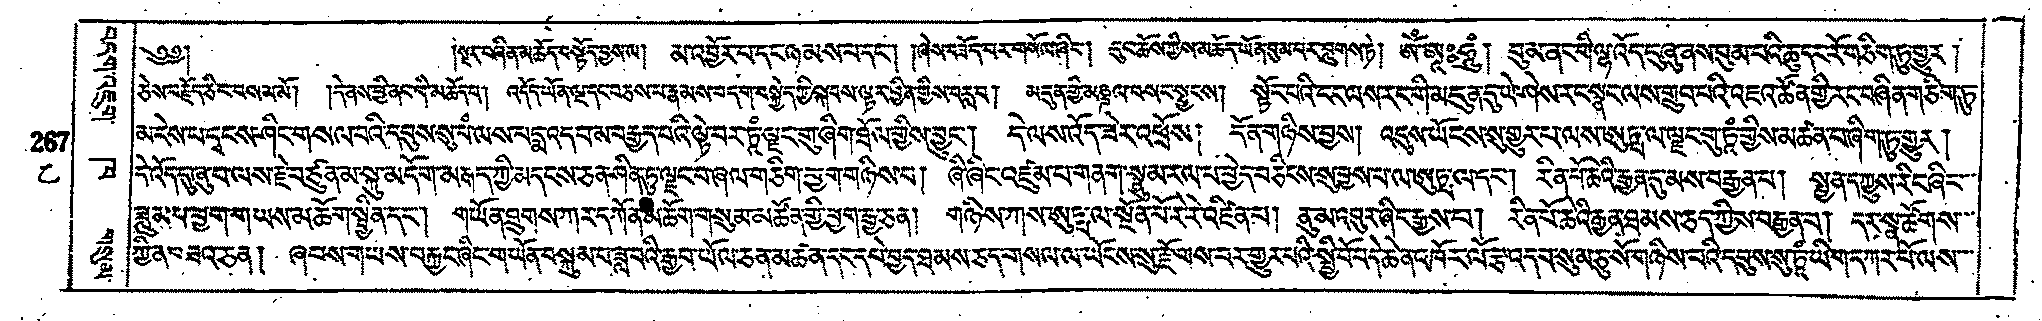༄༅། །སྔར་བཞིན་མཆོད་བསྟོད་བྱས་ལ། མ་འབྱོར་པ་དང་ཉམས་པ་དང་། །ཞེས་བཟོད་པར་གསོལ་ཞིང་། དུང་ཆོས་ཀྱིས་མཆོད་ཡོན་བུམ་པར་བླུགས་ཏེ།  ཨོཾ་ཨཱཿཧཱུཾ། བུམ་ནང་གི་ལྷ་འོད་དུ་ཞུ་ནས་བུམ་པའི་ཆུ་དང་རོ་གཅིག་ཏུ་གྱུར།
ཅེས་བརྗོད་ཅིང་བསམ་མོ། །དེ་ནས་ཕྱི་ནང་གི་མཆོད་པ། འདོད་ཡོན་ལྔ་དང་བཅས་པ་རྣམས་བདག་བསྐྱེད་ཀྱི་སྐབས་ལྟར་བྱིན་གྱིས་བརླབ། མདུན་གྱི་མཎྜལ་བསང་སྦྱངས།  སྟོང་པའི་ངང་ལས་རང་གི་མདུན་དུ་ཡེ་ཤེས་རང་སྣང་ལས་གྲུབ་པའི་འཇའ་ཚོན་གྱི་རང་བཞིན་གཅིག་ཏུ་
མ་ངེས་པ་དྭངས་ཤིང་གསལ་བའི་དབུས་སུ་པཾ་ལས་པདམ་འདབ་མ་བརྒྱད་པའི་ལྟེ་བར་ཏཱཾ་ལྗང་གུ་ཞིག་ཐོལ་གྱིས་བྱུང་། དེ་ལས་འོད་ཟེར་འཕྲོས། དོན་གཉིས་བྱས། འདུས་ཡོངས་སུ་གྱུར་པ་ལས་ཨུཏྤ་ལ་ལྗང་གུ་ཏཱཾ་གྱིས་མཚན་པ་ཞིག་ཏུ་གྱུར།
དེ་འོད་དུ་ཞུ་བ་ལས་རྗེ་བཙུན་མ་སྐུ་མདོག་མྲྒད་ཀྱི་མདངས་ཅན་ཤིན་ཏུ་ལྗང་བ་ཞལ་གཅིག་ཕྱག་གཉིས་པ། ཞི་ཞིང་འཛུམ་པ་གནག་སྣུམ་རལ་པ་ཕྱེད་བཅིངས་སུ་བྱས་པ་ལ་ཨུཏྤ་ལ་དང་། རིན་པོ་ཆེའི་རྒྱན་དུ་མས་བརྒྱན་པ། སྤྱན་དཀྱུས་རིང་ཞིང་་་
ཟླུམ་པ་ཕྱག་གཡས་མཆོག་སྦྱིན་དང་། གཡོན་ཐུགས་ཀར་དཀོན་མཆོག་གསུམ་མཚོན་གྱི་ཕྱག་རྒྱ་ཅན། གཉིས་ཀས་ཨུཏྤ་ལ་སྔོན་པོ་རེ་རེ་འཛིན་པ། ནུ་མ་འབུར་ཞིང་རྒྱས་པ། རིན་པོ་ཆེའི་རྒྱན་ཐམས་ཅད་ཀྱིས་བརྒྱན་པ། དར་སྣ་ཚོགས་་་
ཀྱི་ན་བཟའ་ཅན། ཞབས་གཡས་བརྐྱང་ཞིང་གཡོན་བསྐུམ་པ་ཟླ་བའི་རྒྱབ་ཡོལ་ཅན་མཚན་དང་དཔེ་བྱད་ཐམས་ཅད་གསལ་ལ་ཡོངས་སུ་རྫོགས་པར་གྱུར་པའི་སྤྱི་བོ་བདེ་ཆེན་འཁོར་ལོ་རྩ་འདབ་སུམ་ཅུ་སོ་གཉིས་པའི་དབུས་སུ་ཏཱཾ་ཡིག་དཀར་པོ་ལས་་་